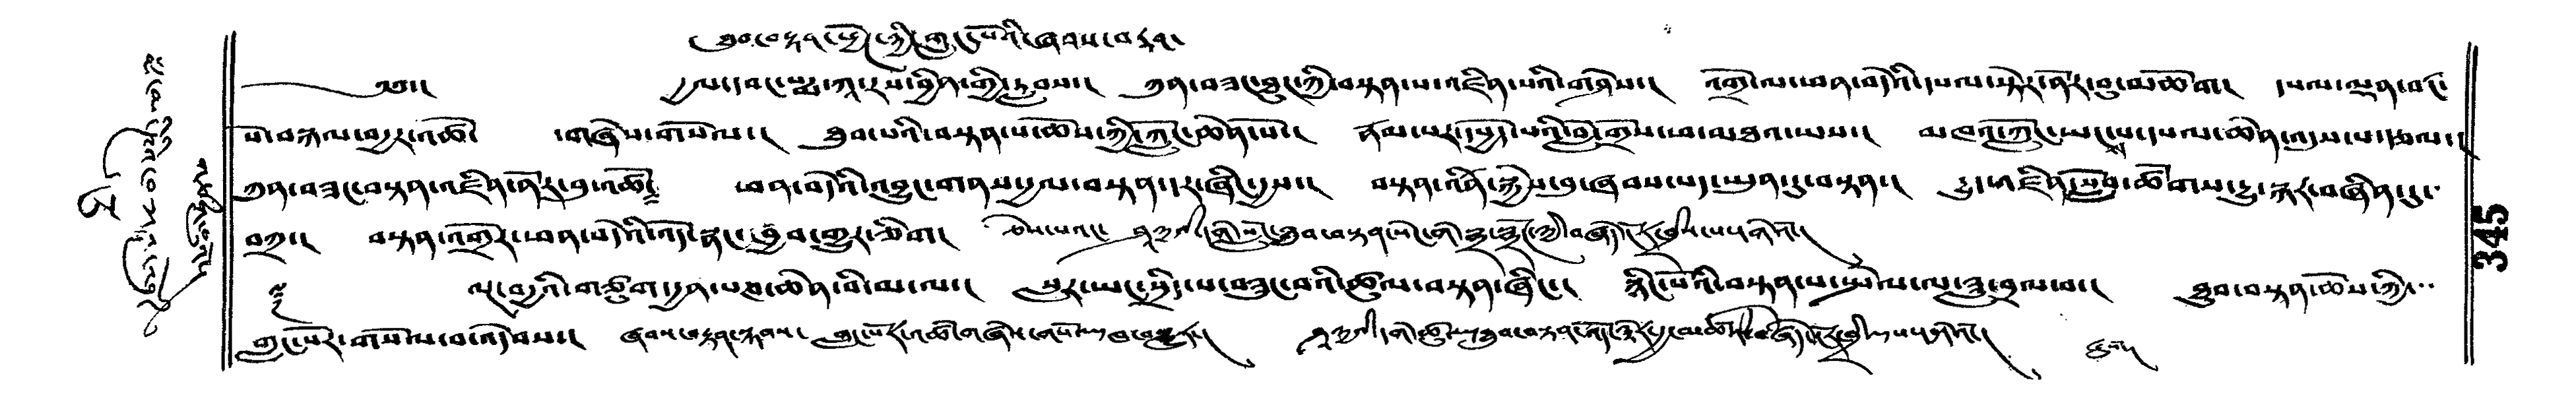༄༅། ཐུབ་བསྟན་ཆོས་ཀྱི་གླང་པོའི་ཞབས་བརྟན། རྒྱལ་དབང་པདྨ་ཀཱ་རས་བྱིན་གྱིས་བརླབས་། །ཀུན་བཟང་ཐུགས་ཀྱི་བསྟན་པ་འཛིན་པའི་བཤེས། །འགྲོ་ལ་ཕན་བདེའི་དཔལ་སྟེར་ནོར་བུ་མཆོག །དཔལ་ལྡན་བཟང་
པོ་བསྐལ་བརྒྱར་འཚོ་གཞེས་གསོལ། །ཐུབ་པའི་བསྟན་པ་ཆོས་ཀྱི་ཀློང་ཆེན་པོ། །རྣམ་པར་དཔྱོད་པའི་བློ་གྲོས་ཕ་མཐའ་ཡས། །མཁའ་ཀློང་ཡངས་པ་དཔལ་ཆེན་འདུས་པ་རྩལ། །
ཀུན་བཟང་བསྟན་འཛིན་ནོར་བུ་འཚོ་གཞེས་གསོལ། ཕན་བདེའི་འབྱུང་གནས་རྒྱལ་བསྟན་དར་ཞིང་རྒྱས། །བསྟན་འཛིན་སྐྱེས་བུ་ཞབས་པད་ཡུན་དུ་བརྟན། །རྒྱུད་འཛིན་སློབ་ཚོགས་རྒྱུ་སྐར་བཞིན་དུ་
བཀྲ། །བསྟན་འགྲོར་ཕན་བདེའི་འོད་སྣང་ཁྱབ་གྱུར་ཅིག ཅེས་པའང་ཤཱཀྱའི་དགེ་སློང་ཐུབ་བསྟན་སེངྒེ་སྒྲ་སྒྲོག་གི་བཞེད་ངོར་བྲིས་པ་དགེའོ།། 
༈ ལྔ་བརྒྱའི་གཙུག་རྒྱན་པཎ་ཆེན་བི་མ་ལ། །སླར་ཡང་སྲིད་པ་བཟུང་བའི་ཚུལ་བསྟན་ཞིང་། །སྙིང་པོའི་བསྟན་པ་སྤེལ་ལ་ཟླ་བྲལ་བ། །ཐུབ་བསྟན་ཆོས་ཀྱི་
གླང་པོར་གསོལ་བ་འདེབས། ཞབས་བརྟན་སྐབས། གླང་པོར་འཚོ་གཞེས་གསོལ། ཞེས་ཁ་བསྒྱུར། ཤཱཀྱའི་དགེ་ཚུལ་ཐུབ་བསྟན་འོད་ཟེར་རྒྱ་མཚོའི་བཞེད་ངོར་བྲིས་པ་དགེའོ།། ཞུས་སོ།།